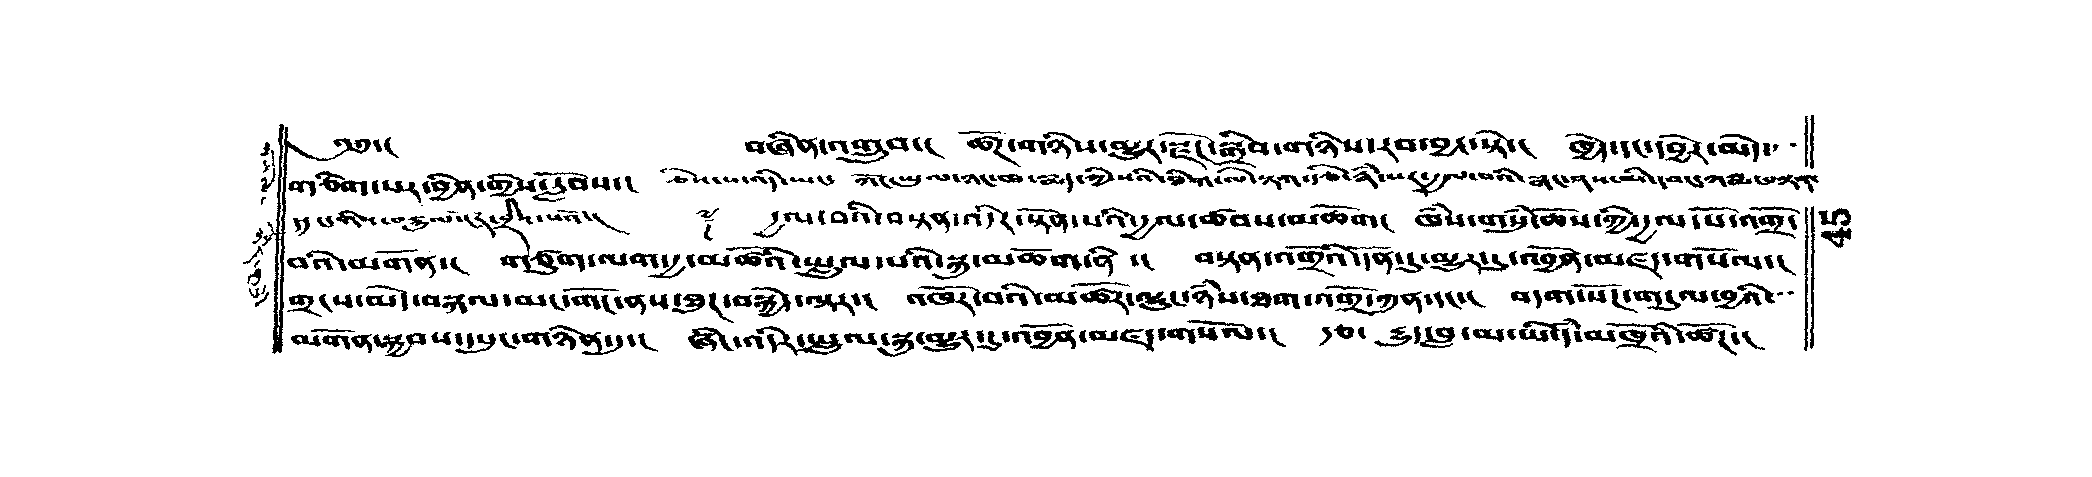བཞིན་འགྲུབ། །ཚོགས་གཉིས་མྱུར་རྫོགས་སྒྲིབ་གཉིས་རབ་བྱང་སྟེ། །ཁྱེད་དང་དབྱེར་མེད་
གཅིག་པར་བྱིན་གྱིས་རློབས། ཅེས་པ་འདི་ཡང་ཀོང་ཡུལ་ཉང་ཁ་སྨད་ཀྱི་སའི་ཐིག་ལེ་སྟག་རྩེ་རྣམ་པར་རྒྱལ་བའི་སྒང་ནས་མི་དབང་ཀརྨ་བསྟན་
དབང་གིས་བསྐུལ་ངོར་བྲིས་པའོ།། ༈ རྒྱལ་བའི་བསྟན་འདིར་སྟོན་པའི་རྒྱལ་ཚབ་མཆོག །ཁམས་གསུམ་ཆོས་ཀྱི་རྒྱལ་པོ་འགྲོ་
བའི་མགོན། །གཙུག་ལག་རྒྱ་མཚོའི་སྤྲུལ་པའི་སྐུ་མཆོག་ནི། །བསྟན་འགྲོའི་དོན་དུ་མྱུར་དུ་འབྱོན་མཛད་གསོལ། །
གྲངས་མེད་བསྐལ་མང་གོང་ནས་ཐུགས་བསྐྱེད་ལྟར། །འཁོར་བའི་མཚོར་ལྷུང་ཉམས་ཐག་འགྲོ་ཀུན་དང་། །བདག་སོགས་གདུལ་བྱའི་
མགོན་སྐྱབས་དཔུང་གཉེན་དུ། །ཞིང་འདིར་སྤྲུལ་སྐུ་མྱུར་དུ་འབྱོན་མཛད་གསོལ། །རྩ་རྒྱུད་བླ་མ་ཡི་དམ་མཁའ་འགྲོའི་ཚོགས།